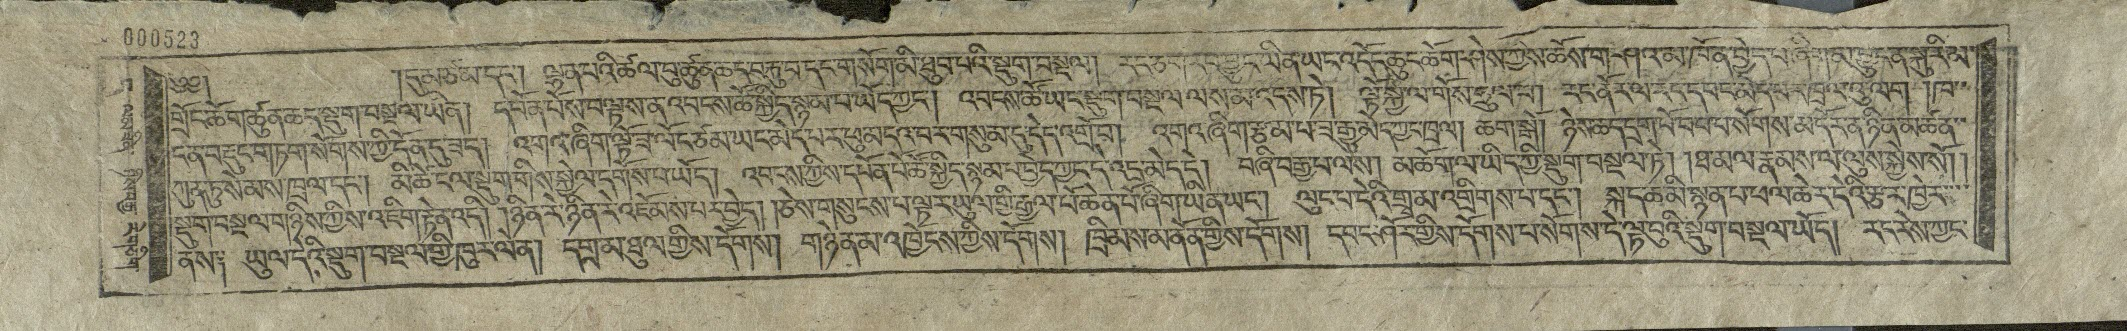༄༅། །དུམ་ཙམ་དང་། ལྷན་པའི་ཚལ་བུ་ཚུན་ཆད་བརྐུ་བ་དང་གསོག་མི་ཐུབ་པའི་སྡུག་བསྔལ། རང་ཅག་རབ་བྱུང་ཡིན་ཡང་འདོད་ཆུང་ཆོག་ཤེས་ཀྱིས་ཆོས་གཤའ་མ་ཁོ་ན་བྱེད་པ་ཞིག་མ་བྱུང་ན་སྐུ་རིམ་
གྲོང་ཆོག་ཚུན་ཆད་སྡུག་བསྔལ་ཡིན། དཔོན་པོས་བལྟས་ན་འབངས་ཚོ་སྐྱིད་སྙམ་པ་ཡོད་ཀྱང་། འབངས་ཚོ་ཡང་སྡུག་བསྔལ་ལས་མ་འདས་ཏེ། ལྟོ་སྐྱ་ལ་གོས་ཧྲུལ་བ། རང་ནོར་ལ་རང་དབང་མེད་པར་ཁྲལ་འུ་ལག །ཁ་
ངན་བརྡུང་གཏག་སོགས་ཀྱི་དོན་དུ་ཟད། འགའ་ཞིག་ལྟོ་ཟ་ལོང་ཙམ་ཡང་མེད་པར་ཕུ་མདའ་བར་གསུམ་དུ་དེད་འགྲོ་བ། འགའ་ཞིག་རྩམ་པ་ཟ་རྒྱུ་མེད་ཀྱང་ཁྲལ། ཆག་སྒོ། ཉེས་ཆད་དྲག་པོ་བབ་པ་སོགས་མདོར་ན་ཉིན་མཚན་
ཀུན་ཏུ་སེམས་ཁྲལ་དང་། མི་ཚེ་ངལ་སྡུག་གིས་སྐྱེལ་དགོས་པ་ཡོད། འབངས་ཀྱིས་དཔོན་པོ་ཚོ་སྐྱིད་སྙམ་པ་བྱེད་ཀྱང་དེ་འདྲ་མེད་དེ། བཞི་བརྒྱ་པ་ལས། མཆོག་ལ་ཡིད་ཀྱི་སྡུག་བསྔལ་ཏེ། །ཐ་མལ་རྣམས་ལ་ལུས་སྐྱེས་སོ། །
སྡུག་བསྔལ་གཉིས་ཀྱིས་འཇིག་རྟེན་འདི། །ཉིན་རེ་ཉིན་རེ་འཇོམས་པར་བྱེད། །ཅེས་གསུངས་པ་ལྟར་ཡུལ་གྱི་རྒྱལ་པོ་ཆེན་པོ་ཞིག་ཡིན་ཡང་། ལུང་པ་དེའི་གྲྭ་མ་འགྲིགས་པ་དང་། སྐད་ཆ་མི་སྙན་པ་ཕལ་ཆེར་དེའི་རྩར་ཁྱེར་
ནས༑ ཡུལ་དེའི་སྡུག་བསྔལ་གྱི་ཁུར་ལེན། དགྲ་མ་ཐུལ་གྱིས་དོགས། གཉེན་མ་འཁྱོངས་ཀྱིས་དོགས། ཁྲིམས་མ་ནོན་གྱིས་དོགས། དབང་ཤོར་གྱིས་དོགས་པ་སོགས་དེ་ལྟ་བུའི་སྡུག་བསྔལ་ཡོད། རང་རེས་ཀྱང་